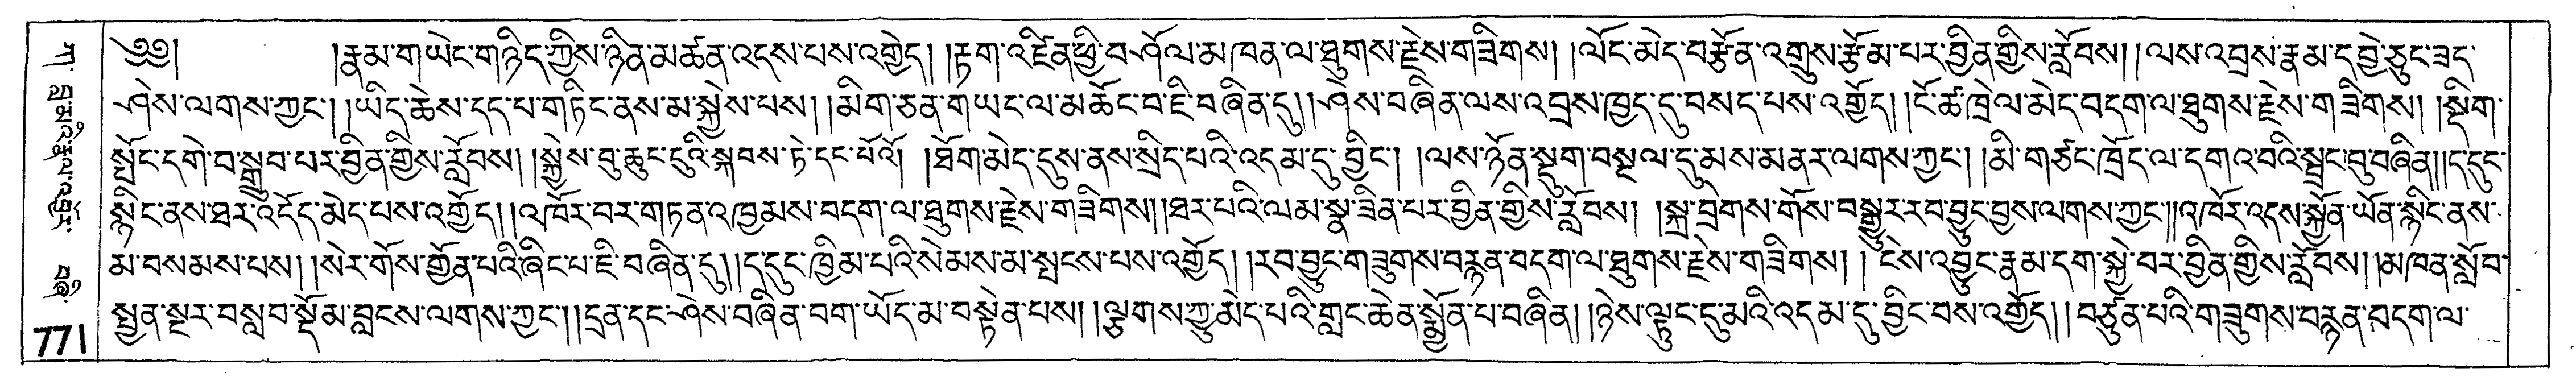༄༅། །རྣམ་གཡེང་གཉིད་ཀྱིས་ཉིན་མཚན་འདས་པས་འགྱེད། །རྟག་འཛིན་ཕྱི་བཤོལ་མཁན་ལ་ཐུགས་རྗེས་གཟིགས། །ལོང་མེད་བརྩོན་འགྲུས་རྩོམ་པར་བྱིན་གྱིས་རློབས། །ལས་འབྲས་རྣམ་དབྱེ་ཅུང་ཟད་
ཤེས་ལགས་ཀྱང་། །ཡིད་ཆེས་དད་པ་གཏིང་ནས་མ་སྐྱེས་པས། །མིག་ཅན་གཡང་ལ་མཆོང་བ་ཇི་བཞིན་དུ། །ཤེས་བཞིན་ལས་འབྲས་ཁྱད་དུ་བསད་པས་འགྱོད། །ངོ་ཚ་ཁྲེལ་མེད་བདག་ལ་ཐུགས་རྗེས་གཟིགས། །སྡིག་
སྤོང་དགེ་བ་སྒྲུབ་པར་བྱིན་གྱིས་རློབས། །སྐྱེས་བུ་ཆུང་ངུའི་སྐབས་ཏེ་དང་པོའོ།  །ཐོག་མེད་དུས་ནས་སྲིད་པའི་འདམ་དུ་བྱིང་། །ལས་ཉོན་སྡུག་བསྔལ་དུ་མས་མནར་ལགས་ཀྱང་། །མི་གཙང་ཁྲོད་ལ་དགའ་བའི་སྦྲང་བུ་བཞིན། །ད་དུང་
སྙིང་ནས་ཐར་འདོད་མེད་པས་འགྱོད། །འཁོར་བར་གཏན་འཁྱམས་བདག་ལ་ཐུགས་རྗེས་གཟིགས། །ཐར་པའི་ལམ་སྣ་ཟིན་པར་བྱིན་གྱིས་རློབས། །སྐྲ་བྲེགས་གོས་བསྒྱུར་རབ་བྱུང་བྱས་ལགས་ཀྱང་། །འཁོར་འདས་སྐྱོན་ཡོན་སྙིང་ནས་
མ་བསམས་པས། །སེར་གོས་གྱོན་པའི་ཞིང་པ་ཇི་བཞིན་དུ། །ད་དུང་ཁྱིམ་པའི་སེམས་མ་སྤངས་པས་འགྱོད། །རབ་བྱུང་གཟུགས་བརྙན་བདག་ལ་ཐུགས་རྗེས་གཟིགས། །ངེས་འབྱུང་རྣམ་དག་སྐྱེ་བར་བྱིན་གྱིས་རློབས། །མཁན་སློབ་
སྤྱན་སྔར་བསླབ་སྡོམ་བླངས་ལགས་ཀྱང་། །དྲན་དང་ཤེས་བཞིན་བག་ཡོད་མ་བསྟེན་པས། །ལྕགས་ཀྱུ་མེད་པའི་གླང་ཆེན་སྨྱོན་པ་བཞིན། །ཉེས་ལྟུང་དུ་མའི་འདམ་དུ་བྱིང་བས་འགྱོད། །བཙུན་པའི་གཟུགས་བརྙན་བདག་ལ་